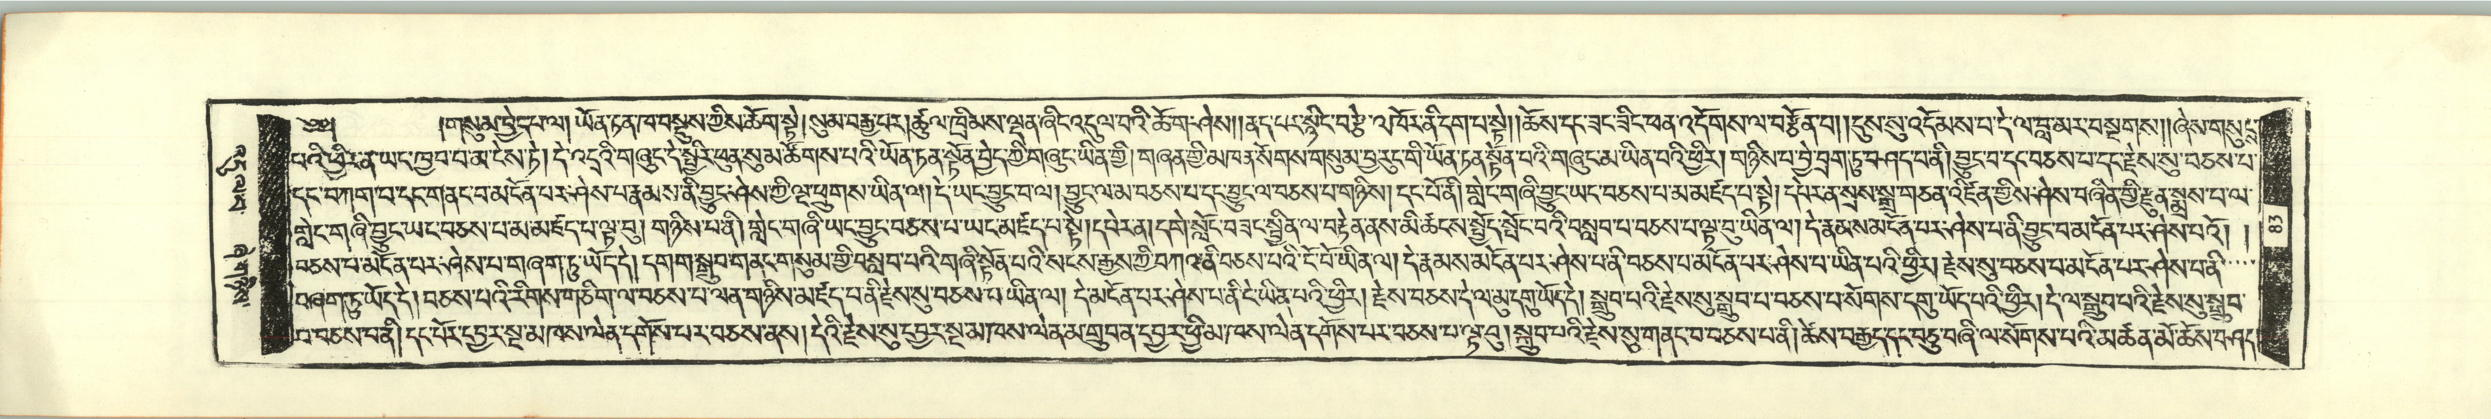༄༅། །གསུམ་བྱེད་པ་ལ། ཡོན་ཏན་ཁ་བསྡུས་ཀྱིས་ཆོག་སྟེ། སུམ་བརྒྱ་པར། ཚུལ་ཁྲིམས་ལྡན་ཞིང་འདུལ་བའི་ཆོ་ག་ཤེས། །ནད་པར་སྙིང་བརྩེ་འཁོར་ནི་དག་པ་སྟེ། །ཆོས་དང་ཟང་ཟིང་ཕན་འདོགས་ལ་བརྩོན་པ། །དུས་སུ་འདོམས་པ་དེ་ལ་བླ་མར་བསྔགས། །ཞེས་གསུངས་
པའི་ཕྱིར་ན་ཡང་ཁྱབ་པ་མ་ངེས་ཏེ། དེ་འདྲའི་གཞུང་དེ་སྤྱིར་ཕུན་སུམ་ཚོགས་པའི་ཡོན་ཏན་སྟོན་བྱེད་ཀྱི་གཞུང་ཡིན་གྱི། གཞན་གྱི་མཁན་སོགས་གསུམ་བྱ་རུང་གི་ཡོན་ཏན་སྟོན་པའི་གཞུང་མ་ཡིན་པའི་ཕྱིར། གཉིས་པ་བྱེ་བྲག་ཏུ་བཤད་པ་ནི། བྱུང་བ་དང་བཅས་པ་དང་རྗེས་སུ་བཅས་པ་
དང་བཀག་པ་དང་གནང་བ་མངོན་པར་ཤེས་པ་རྣམས་ནི་བྱུང་ཤེས་ཀྱི་ལྔ་ཕྲུགས་ཡིན་ལ། དེ་ཡང་བྱུང་བ་ལ། བྱུང་ལ་མ་བཅས་པ་དང་བྱུང་ལ་བཅས་པ་གཉིས། དང་པོ་ནི། གླེང་གཞི་བྱུང་ཡང་བཅས་པ་མ་མཛད་པ་སྟེ། དཔེར་ན་སྲས་སྒྲ་གཅན་འཛིན་གྱིས་ཤེས་བཞིན་གྱི་རྫུན་སྨྲས་པ་ལ་
གླེང་གཞི་བྱུང་ཡང་བཅས་པ་མ་མཛད་པ་ལྟ་བུ། གཉིས་པ་ནི། གླེང་གཞི་ཡང་བྱུང་བཅས་པ་ཡང་མཛད་པ་སྟེ། དཔེར་ན། དགེ་སློང་བཟང་སྦྱིན་ལ་བརྟེན་ནས་མི་ཚངས་སྤྱོད་སྤོང་བའི་བསླབ་པ་བཅས་པ་ལྟ་བུ་ཡིན་ལ། དེ་རྣམས་མངོན་པར་ཤེས་པ་ནི་བྱུང་བ་མངོན་པར་ཤེས་པའོ། །
བཅས་པ་མངོན་པར་ཤེས་པ་གཞག་ཏུ་ཡོད་དེ། དགག་སྒྲུབ་གནང་གསུམ་གྱི་བསླབ་པའི་གཞི་སྟོན་པའི་སངས་རྒྱས་ཀྱི་བཀའ་ནི་བཅས་པའི་ངོ་བོ་ཡིན་ལ། དེ་རྣམས་མངོན་པར་ཤེས་པ་ནི་བཅས་པ་མངོན་པར་ཤེས་པ་ཡིན་པའི་ཕྱིར། རྗེས་སུ་བཅས་པ་མངོན་པར་ཤེས་པ་ནི་
བཞག་ཏུ་ཡོད་དེ། བཅས་པའི་རིགས་གཅིག་ལ་བཅས་པ་ལན་གཉིས་མཛད་པ་ནི་རྗེས་སུ་བཅས་པ་ཡིན་ལ། དེ་མངོན་པར་ཤེས་པ་ནི་དེ་ཡིན་པའི་ཕྱིར། རྗེས་བཅས་དེ་ལ་མུ་དགུ་ཡོད་དེ། སྒྲུབ་པའི་རྗེས་སུ་སྒྲུབ་པ་བཅས་པ་སོགས་དགུ་ཡོད་པའི་ཕྱིར། དེ་ལ་སྒྲུབ་པའི་རྗེས་སུ་སྒྲུབ་
བ་བཅས་པ་ནི། དང་པོར་དབྱར་སྔ་མཁས་ལེན་དགོས་པར་བཅས་ནས། དེའི་རྗེས་སུ་དབྱར་སྔ་མ་ཁས་ལེན་མ་གྲུབ་ན་དབྱར་ཕྱི་མ་ཁས་ལེན་དགོས་པར་བཅས་པ་ལྟ་བུ། སྒྲུབ་པའི་རྗེས་སུ་གནང་བ་བཅས་པ་ནི། ཚེས་བརྒྱད་དང་བཅུ་བཞི་ལ་སོགས་པའི་མཚན་མོ་ཆོས་བཤད་